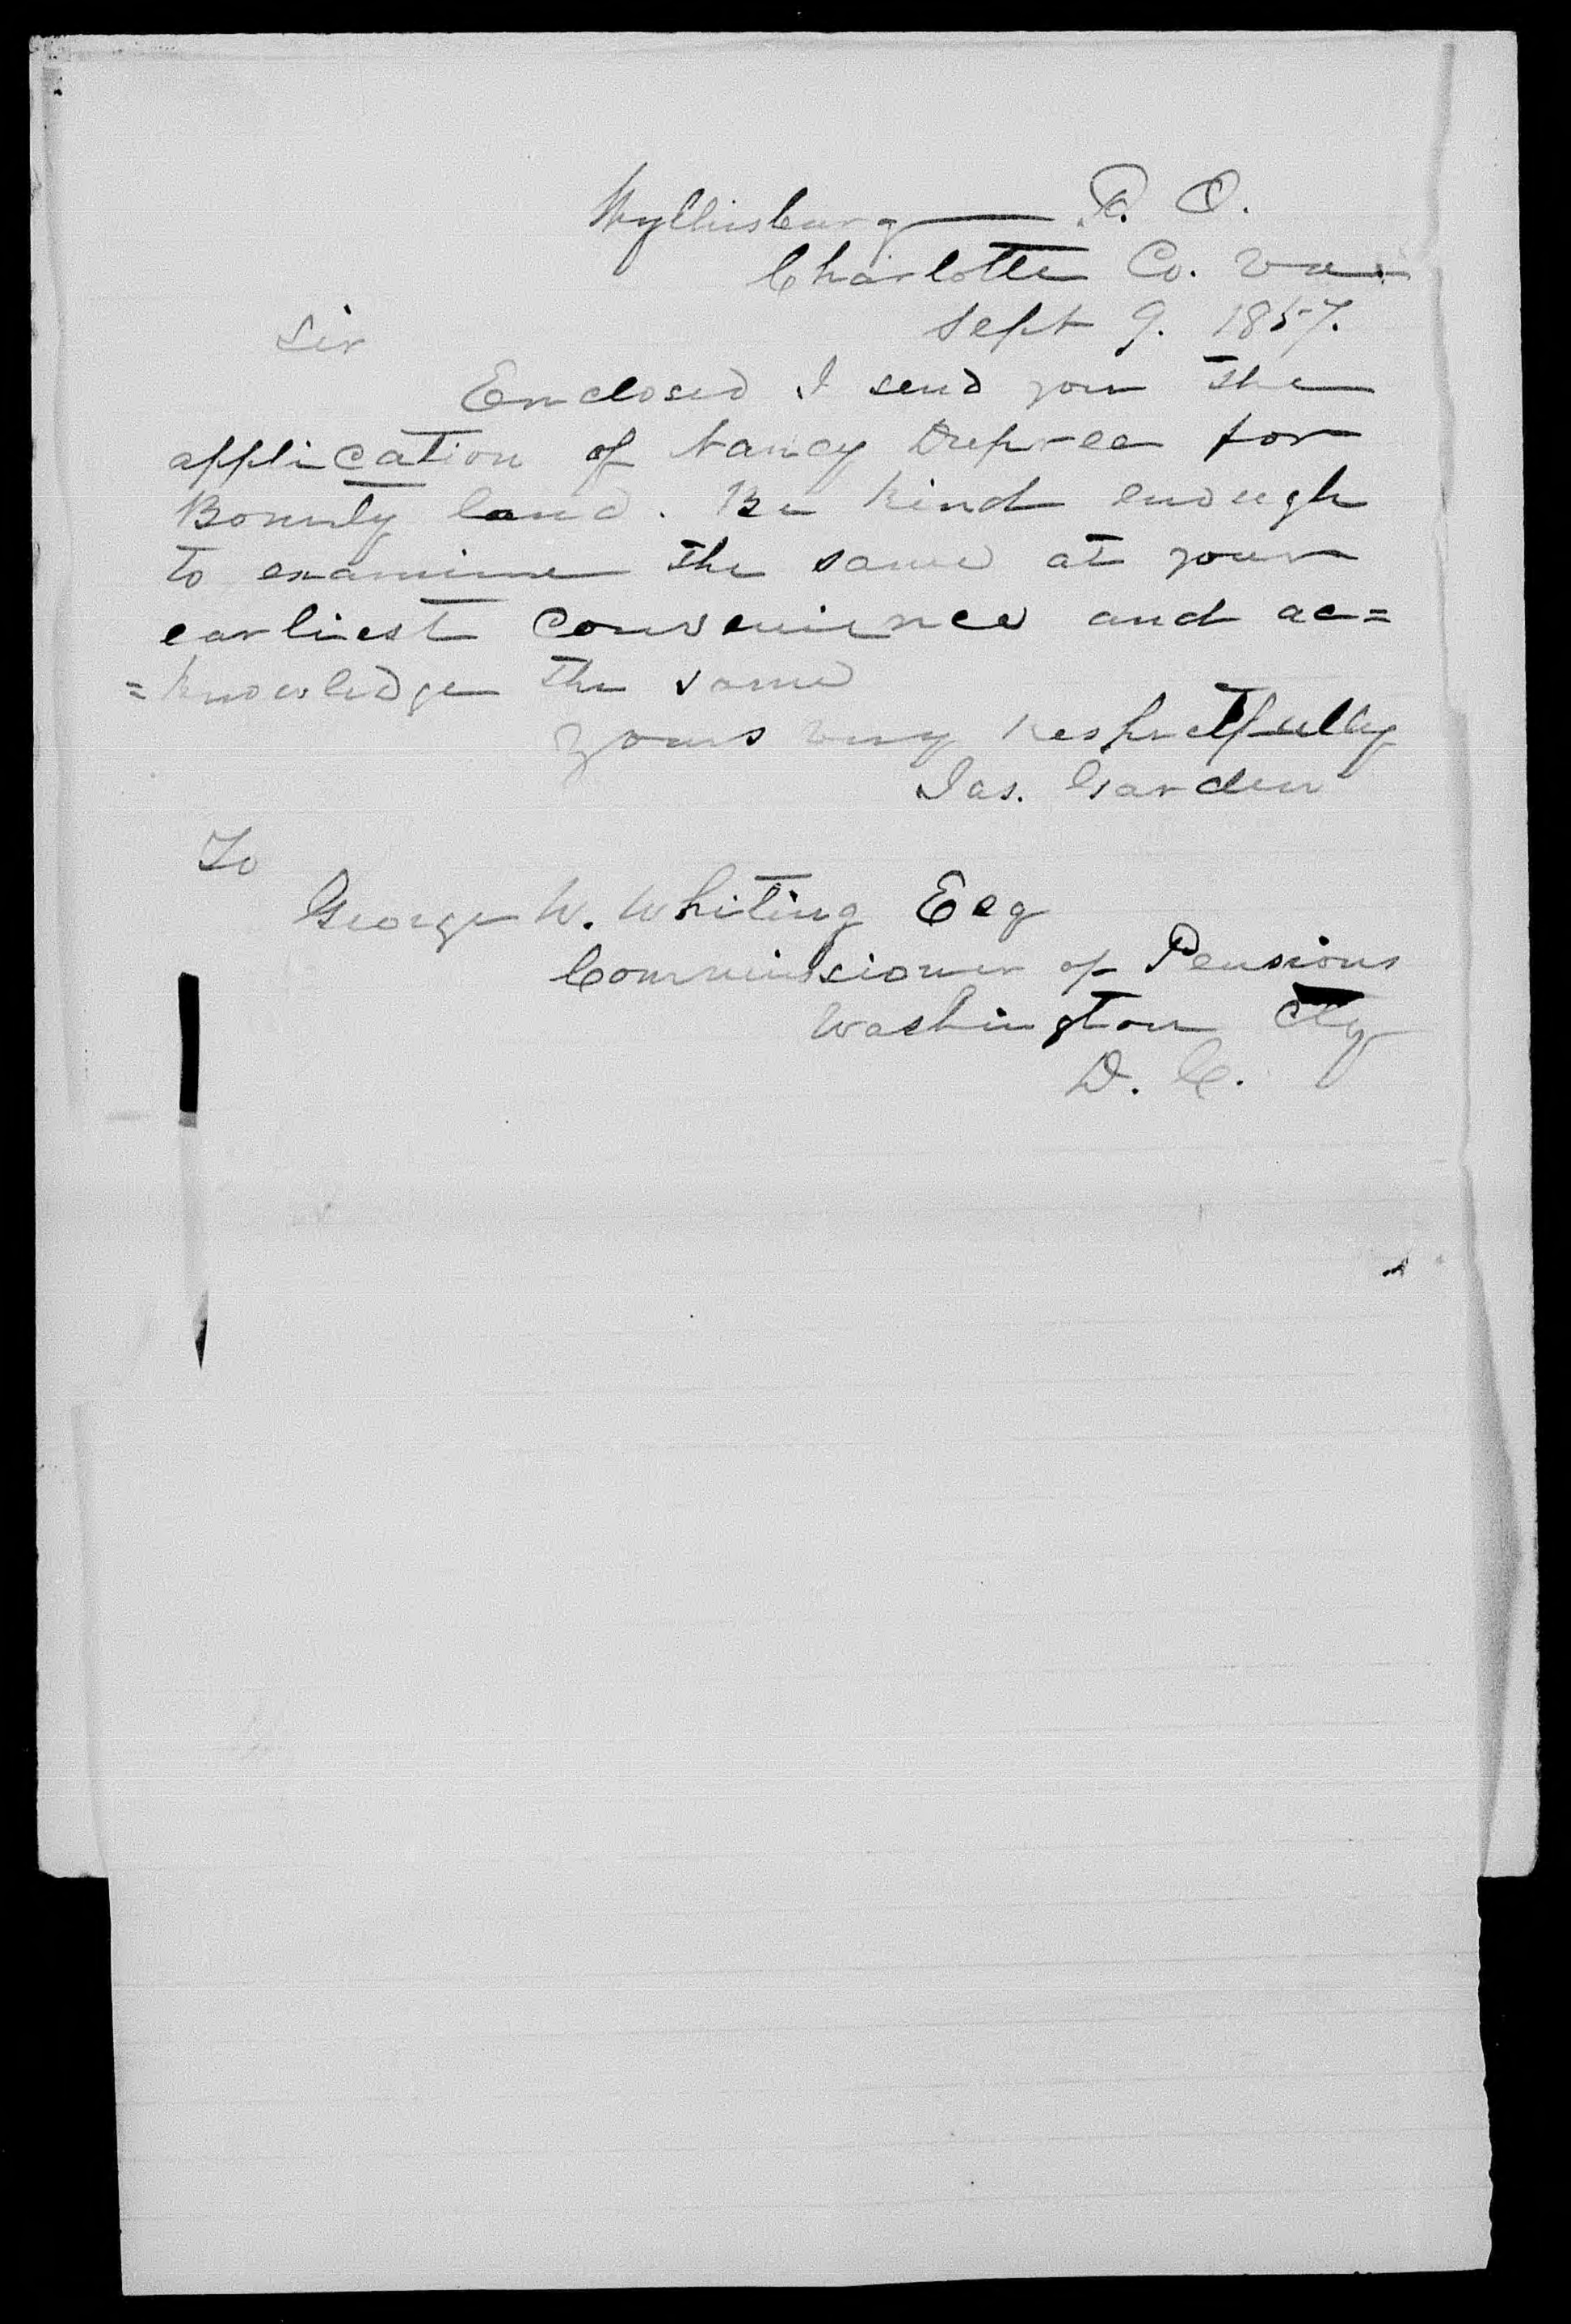[illegible]
Charlotte Co. Va
Sir
Enclosed I send you the application of Nancy Dupree for County land. Be kind enough to examine the [illegible] at your earliest convenience and acknowledge the same
Yours very respectfully
Jas. Gardner

To
George W. Whiting Esq
Commissioner of Pensions 
Washington City
D. C.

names: Jas Gardner, George W Whiting, Nancy Dupree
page: 8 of 8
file: B. L. Rej. 281092-1855, William Dupree, Va.